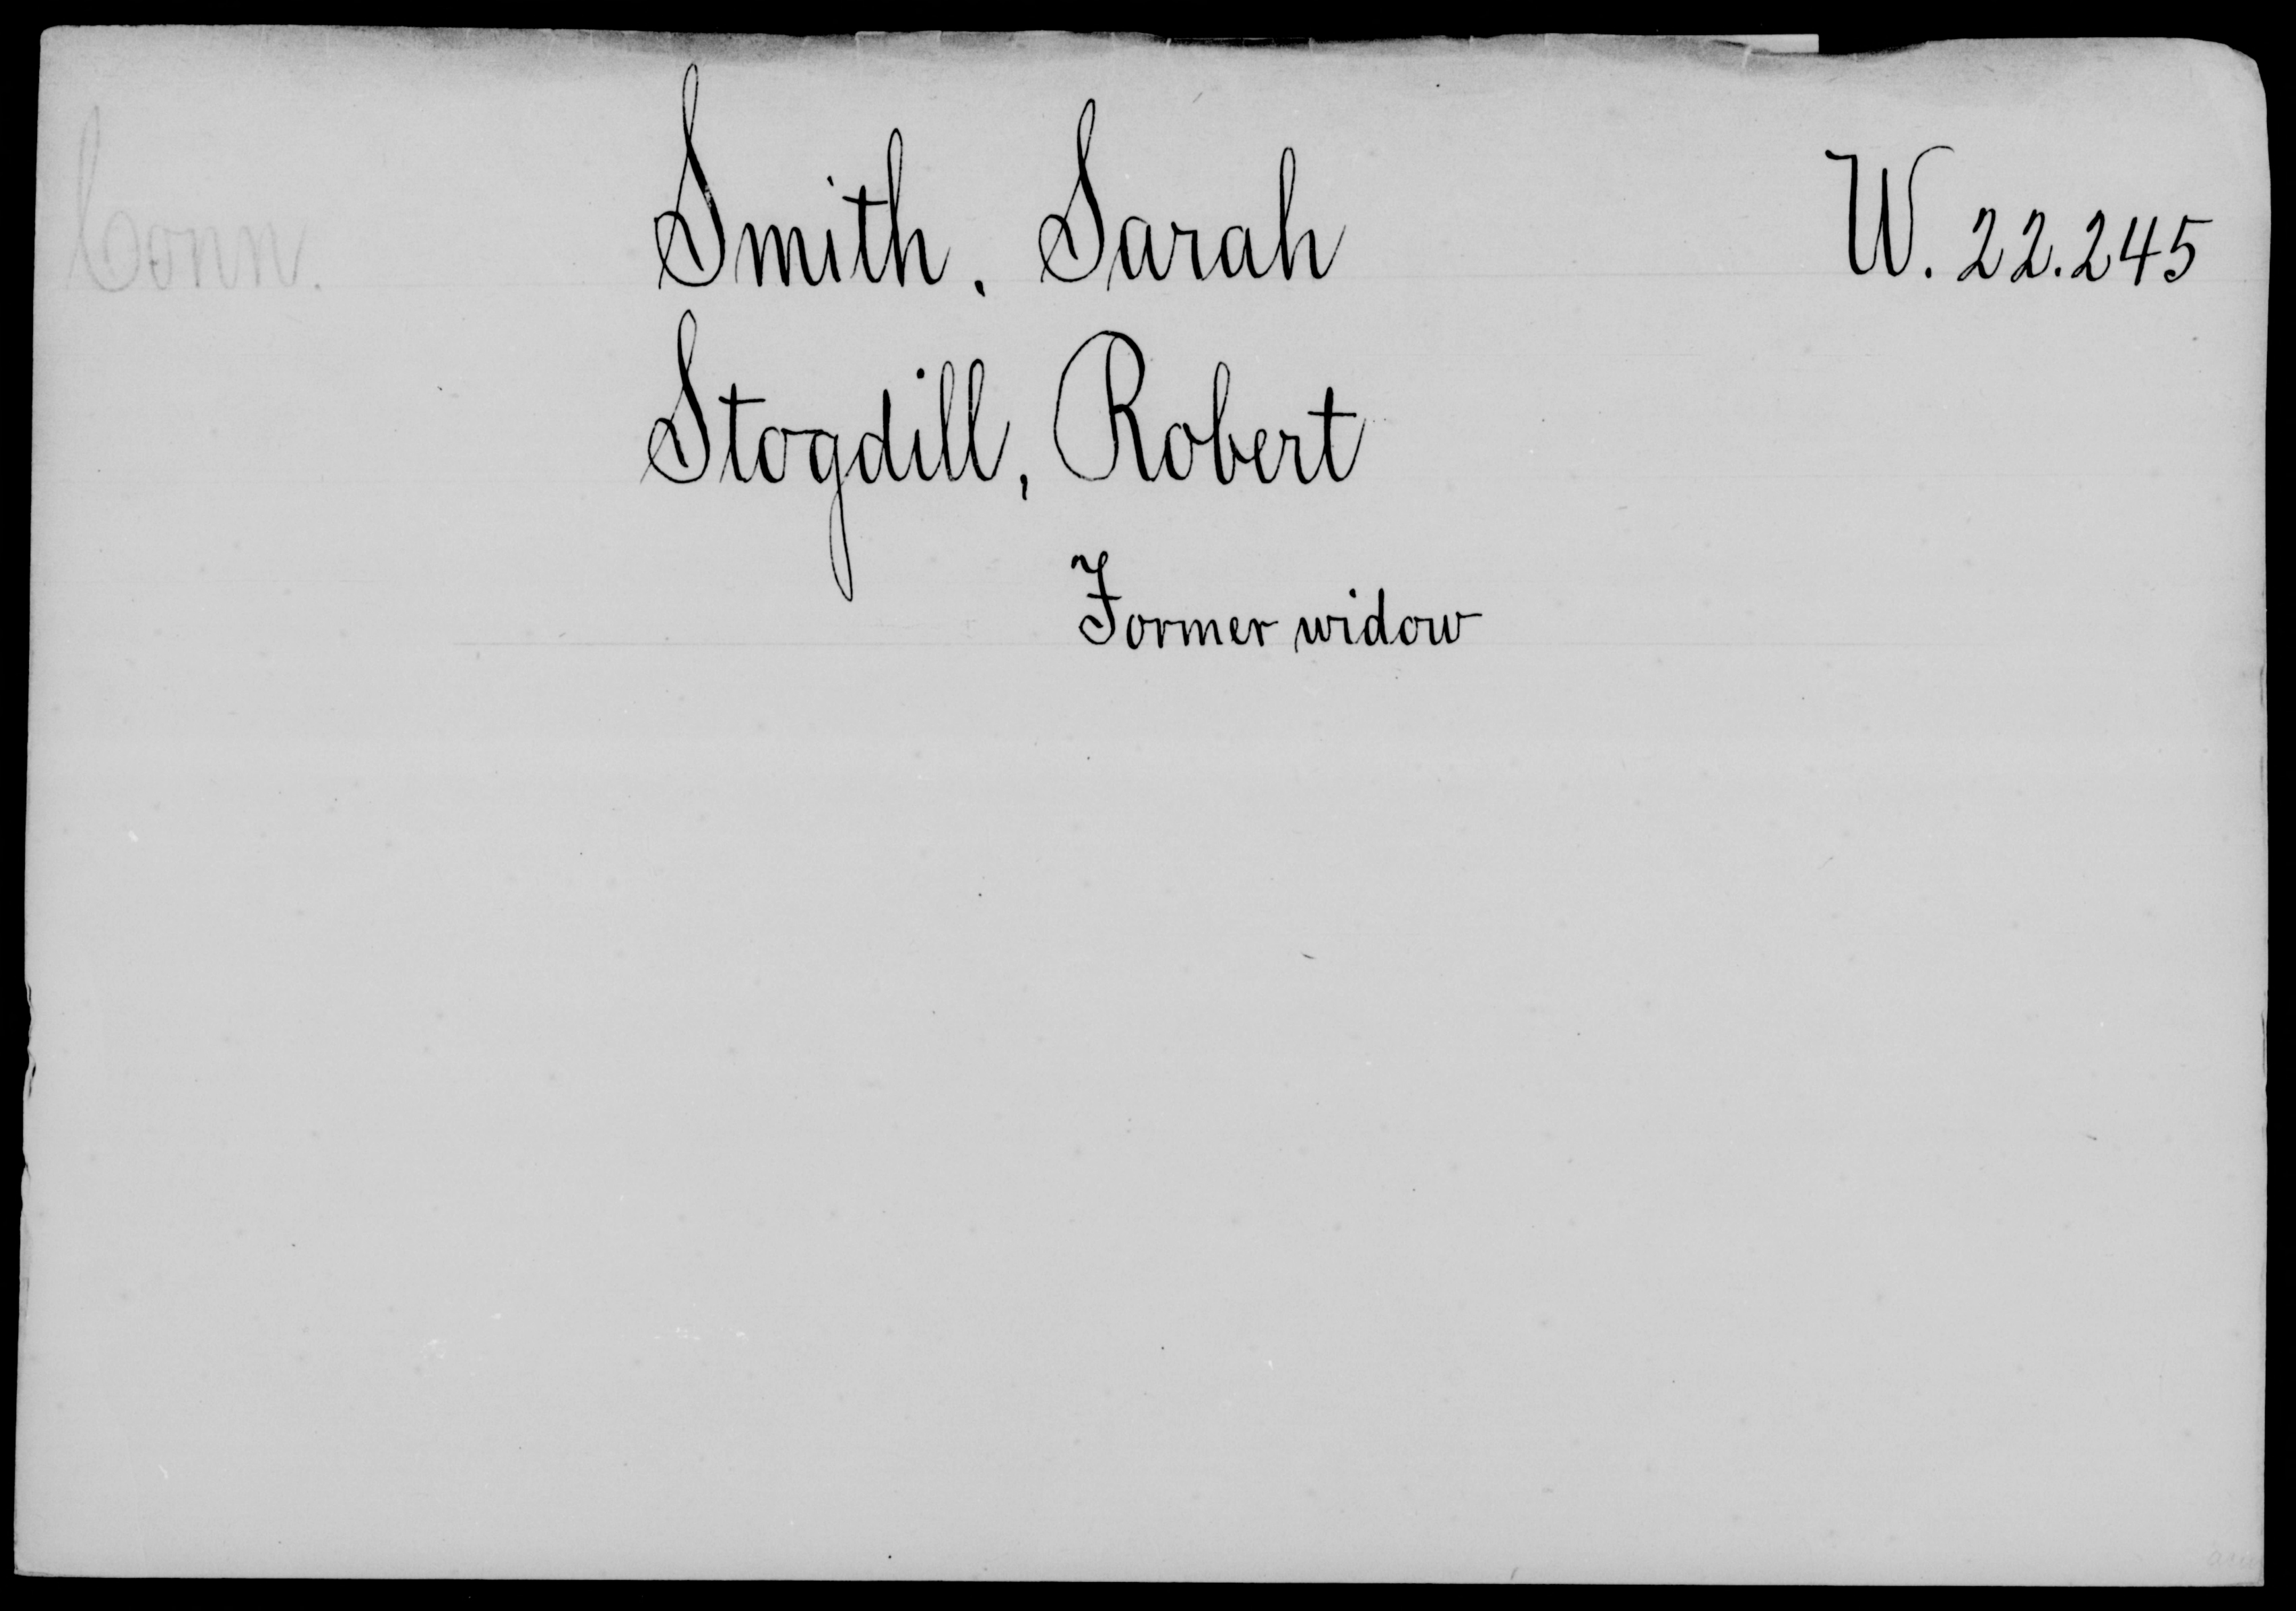Smith, Sarah
Stogdill, Robert
Former widow
W.22.245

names: [BLANK]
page: 1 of 1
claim: widow's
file: W. 22,245, for Sarah Smith, Connecticut